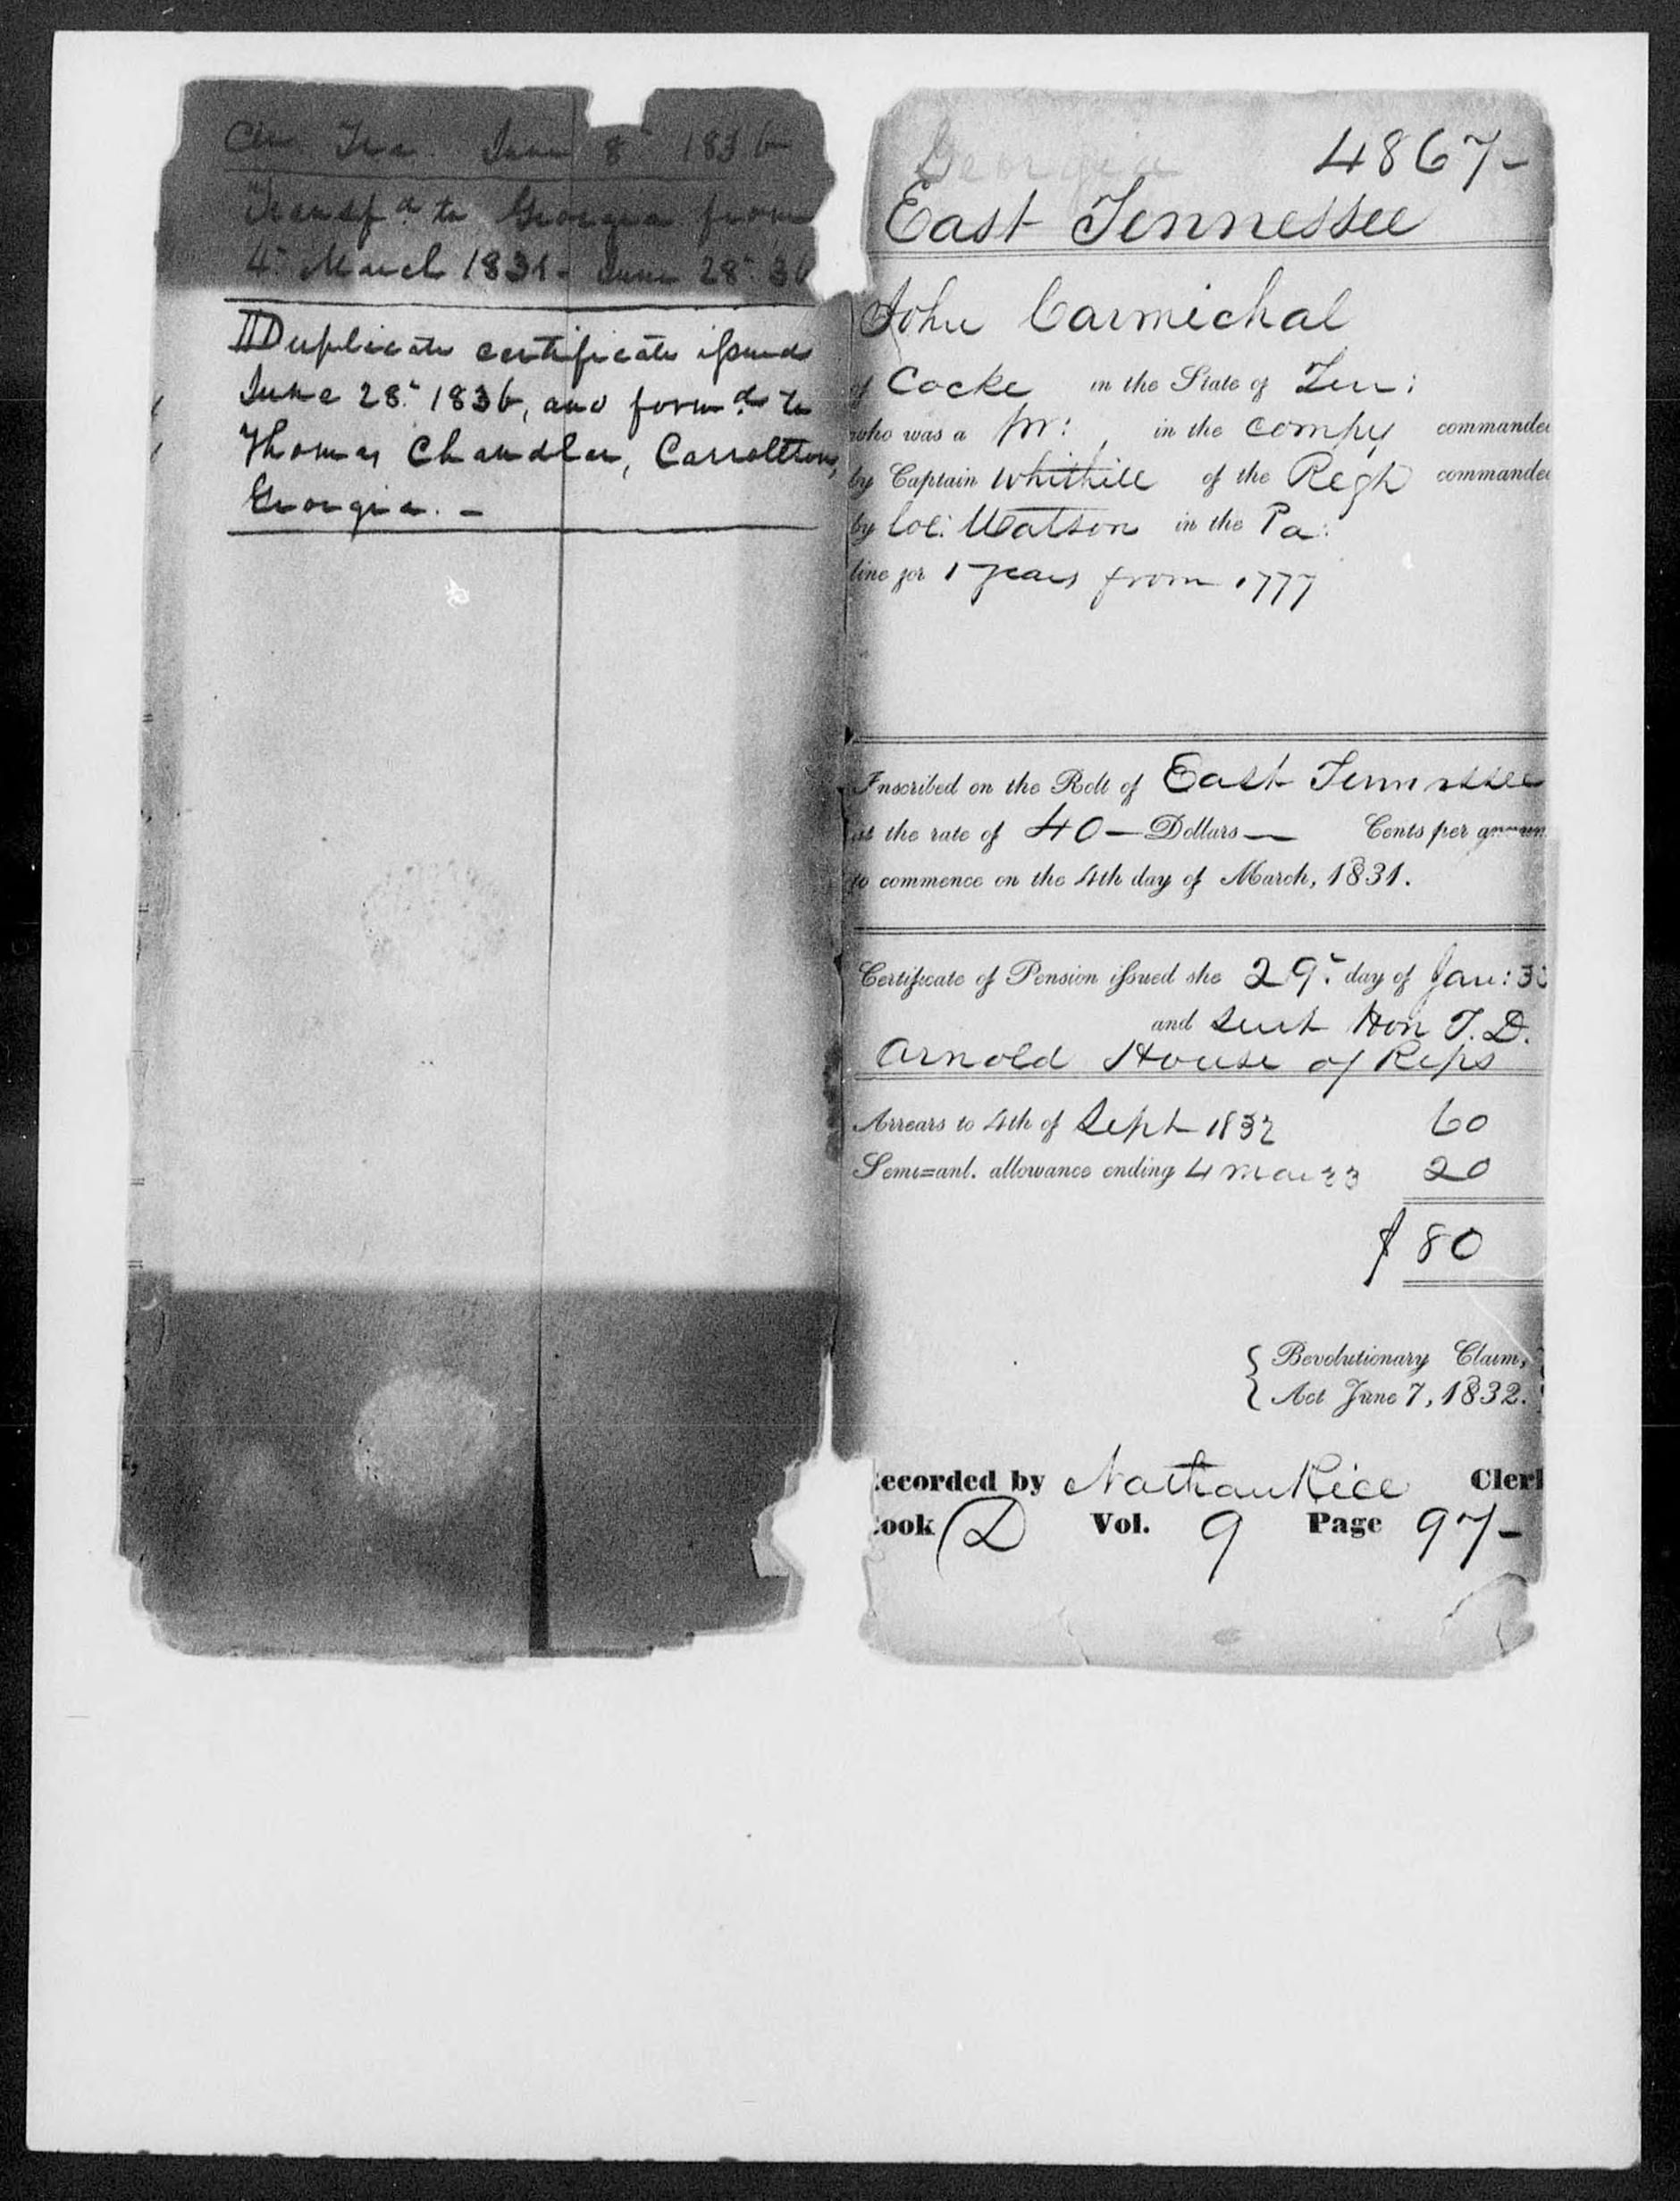ILLEGIBLE      (MONTH) 8 1836

ILLEGIBLE   to Georgia from  
4th March 1831 - June 28th. 36

Duplicate certificate found
June 28 1836 and ILLEGIBLE 
Thomas Chandler, Carrollton
Georgia

                                 4867
East Tennessee
John Carmichal
of Cooke in the state of Tenn.
who was a (illegible) in the compy(sic) commander by Col Watson in the Pa.
line for 1 years from 1777
Inscribed on the  Roll of East Tennessee at the rate of 40 dollars -- cents per annum
to commence on the 4th day of March 1831

Certificate of Pension issued the 29th day of Jan  30
and (illegible)      T.D. Arnold House of Reps
arrears to 4th of Sept. 1832                         60
Semiannual allowance ending 4 Mar 33      20
                                                                 = $80   

Revolutionary Claim   Act June 7 1832

Recorded by Nathan Rice  Clerk     

Cook D     Vol.   9   Page 97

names: Watson, T D Arnold, Nathan Rice, Thomas Chandler, Whithill, John Carmichal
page: 2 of 42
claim: survivor's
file: S. 31,595, John Carmickele, Penn.